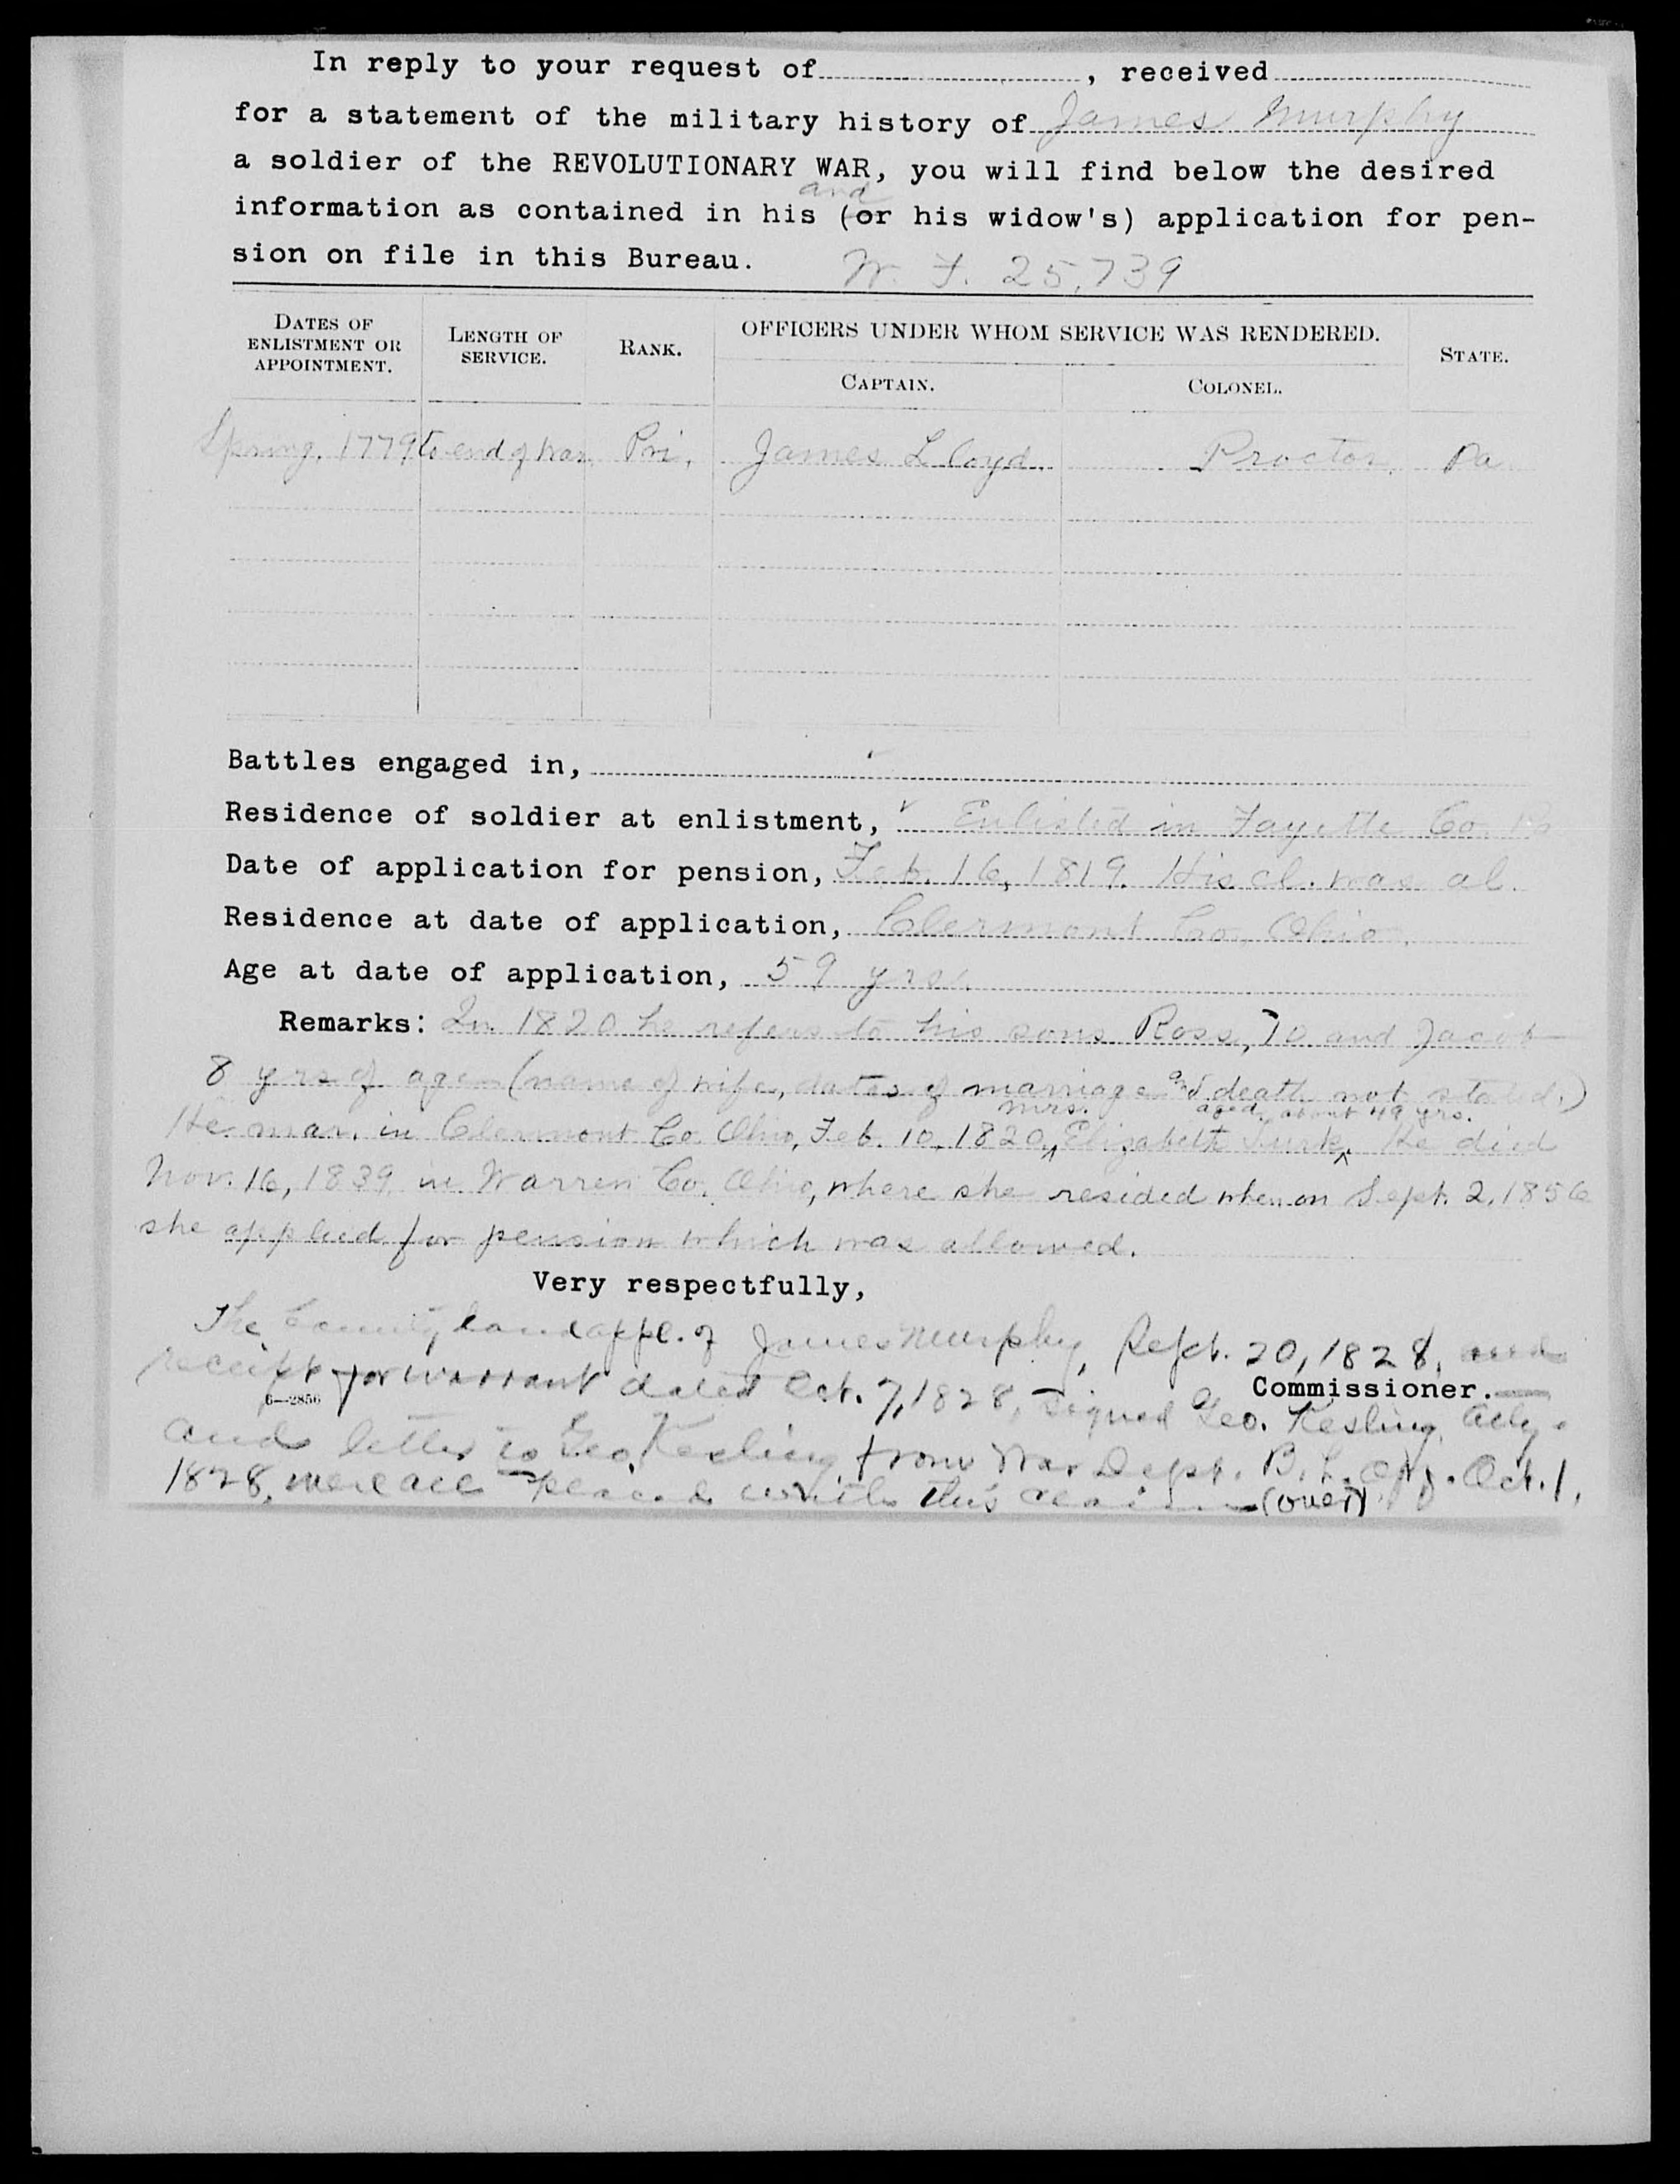In reply to your request of ______, received ________
a statement of the military history of __James Murphy__
a soldier of the REVOLUTIONARY WAR, you will find below the desired
information as contained in his (and his widow's) application for pension on file in this Bureau.  W. F. 25, 739
----------------
DATES OF
ENLISTMENT OR
APPOINTMENT.
Spring 1779
LENGTH OF
SERVICE.
to end of war
RANK,
Pri
OFFICERS UNDER WHOM SERVICE WAS RENDERED.
CAPTAIN.
James Lloyd
COLONEL.
Proctor
STATE.
Pa
---
Battles engaged in, ____
Residence of soldier at enlistment, Enlisted in Fayette Co. Pa
Date of application for pension, Feb. 16, 1819. His cl. was al
Residence at date of application, Clermont Co. Ohio
Age at date of application, 59 years

Remarks: In 1820 he refers to his sons Ross, to and Jacob
8 years of age (name of wife, dates of marriage and death not stated.)
in Clermont Co. Ohio, Feb. 10, 1820 Mrs  Elizabeth Turk aged about 49 yrs..  He died 
Nov. 16, 1839 in Warren Co. Ohio, where she resided when on Sept 2, 1856
she applied for pension which was allowed
Very respectfully,    Commissioner.
The Bounty Land app of of James Murphy, Sept. 20, 1828, and
receipt & warrant dated Oct. 7, 1828, Signed Geo. Kesling Atty.
and letter to Geo Kesling from War Dept B.L.off. Oct 1,
1828, were all placed with this claims (over)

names: James Murphy; Elizabeth Turk; Geo Kesling; Ross [BLANK]; James Lloyd; [BLANK] Proctor; Jacob [BLANK]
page: 30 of 57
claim: widow's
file: W. 25,739, for James Murphey, Pennsylvania